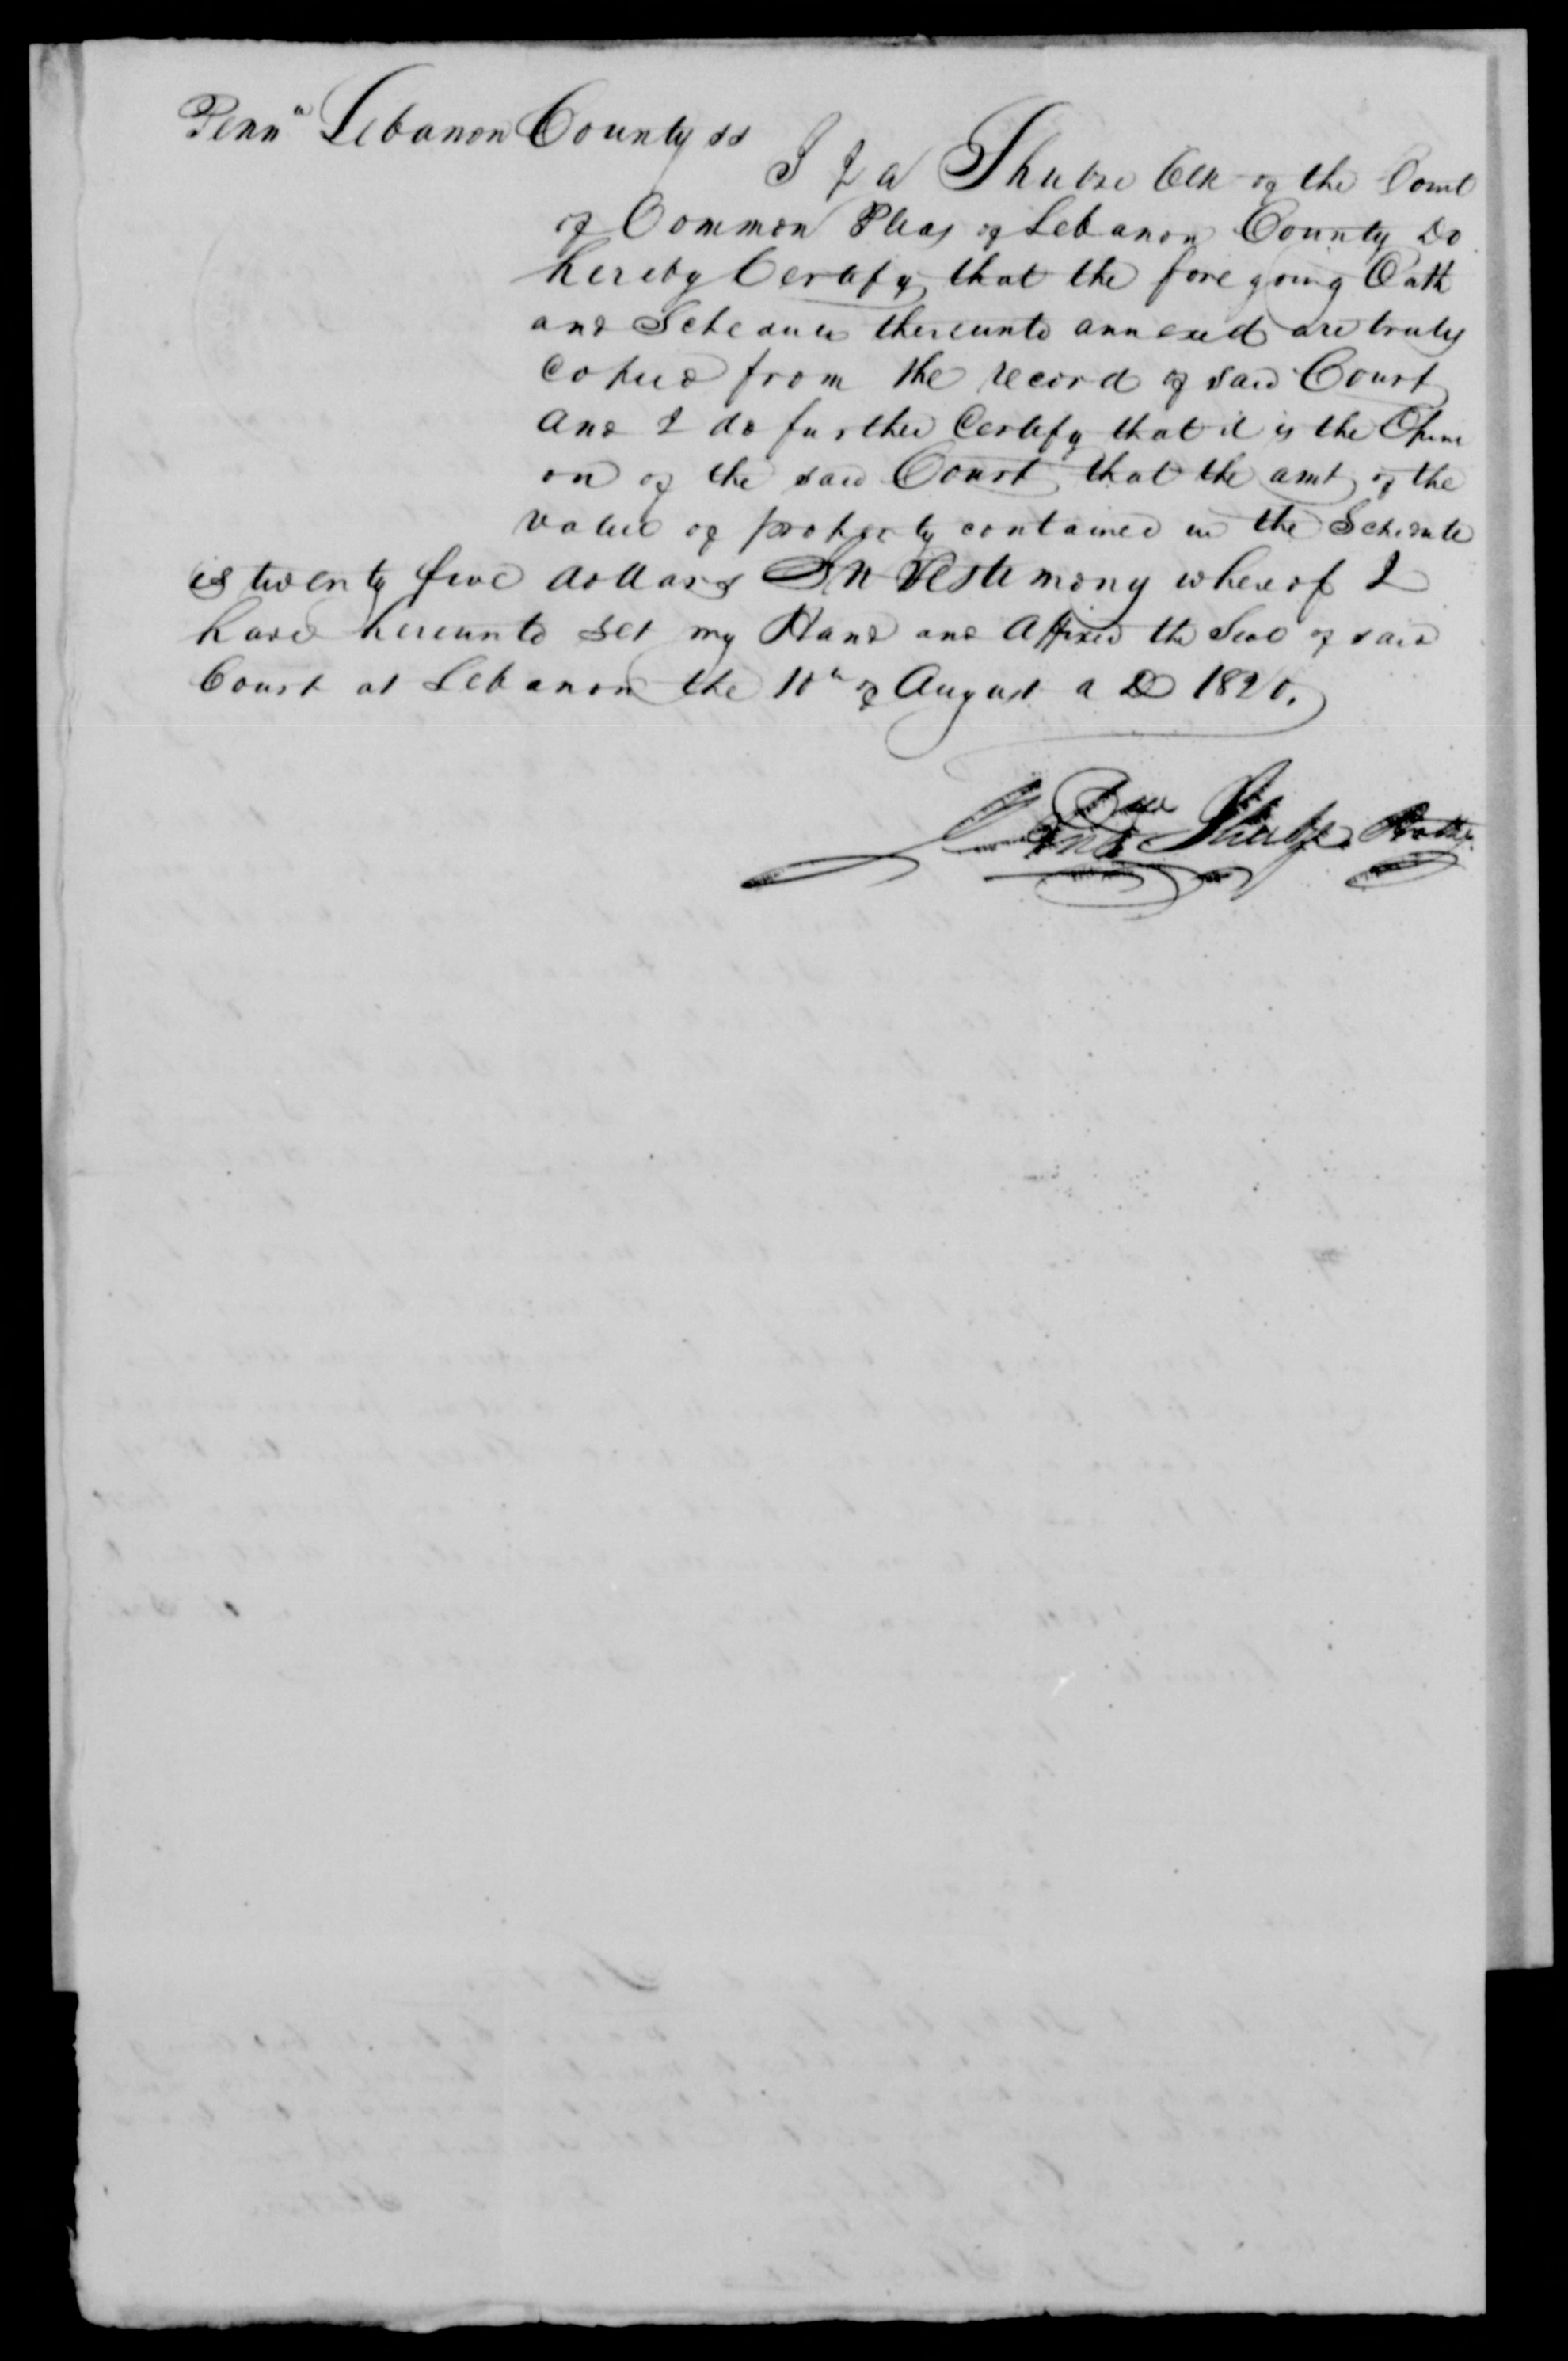Pennsylvania
Lebanon County, SS.
I, J. A. Shulze, Clerk of the Court of Common Pleas of Lebanon County, do
hereby certify that the foregoing Oath and schedule thereunto annexed are truly copied from the record of said Court and I do further certify that it is the opinion of the said Court, that the amount of the value of property contained in the Schedule is twenty-five dollars. In Testimony whereof, I have hereunto set my Hand and affixed the seal of said Court at Lebanon the 11th of August A D 1820.
J [illegible] Shulze, Prothonotary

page: 13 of 28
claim: widow's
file: W. 3163, for David Statser, Pennsylvania